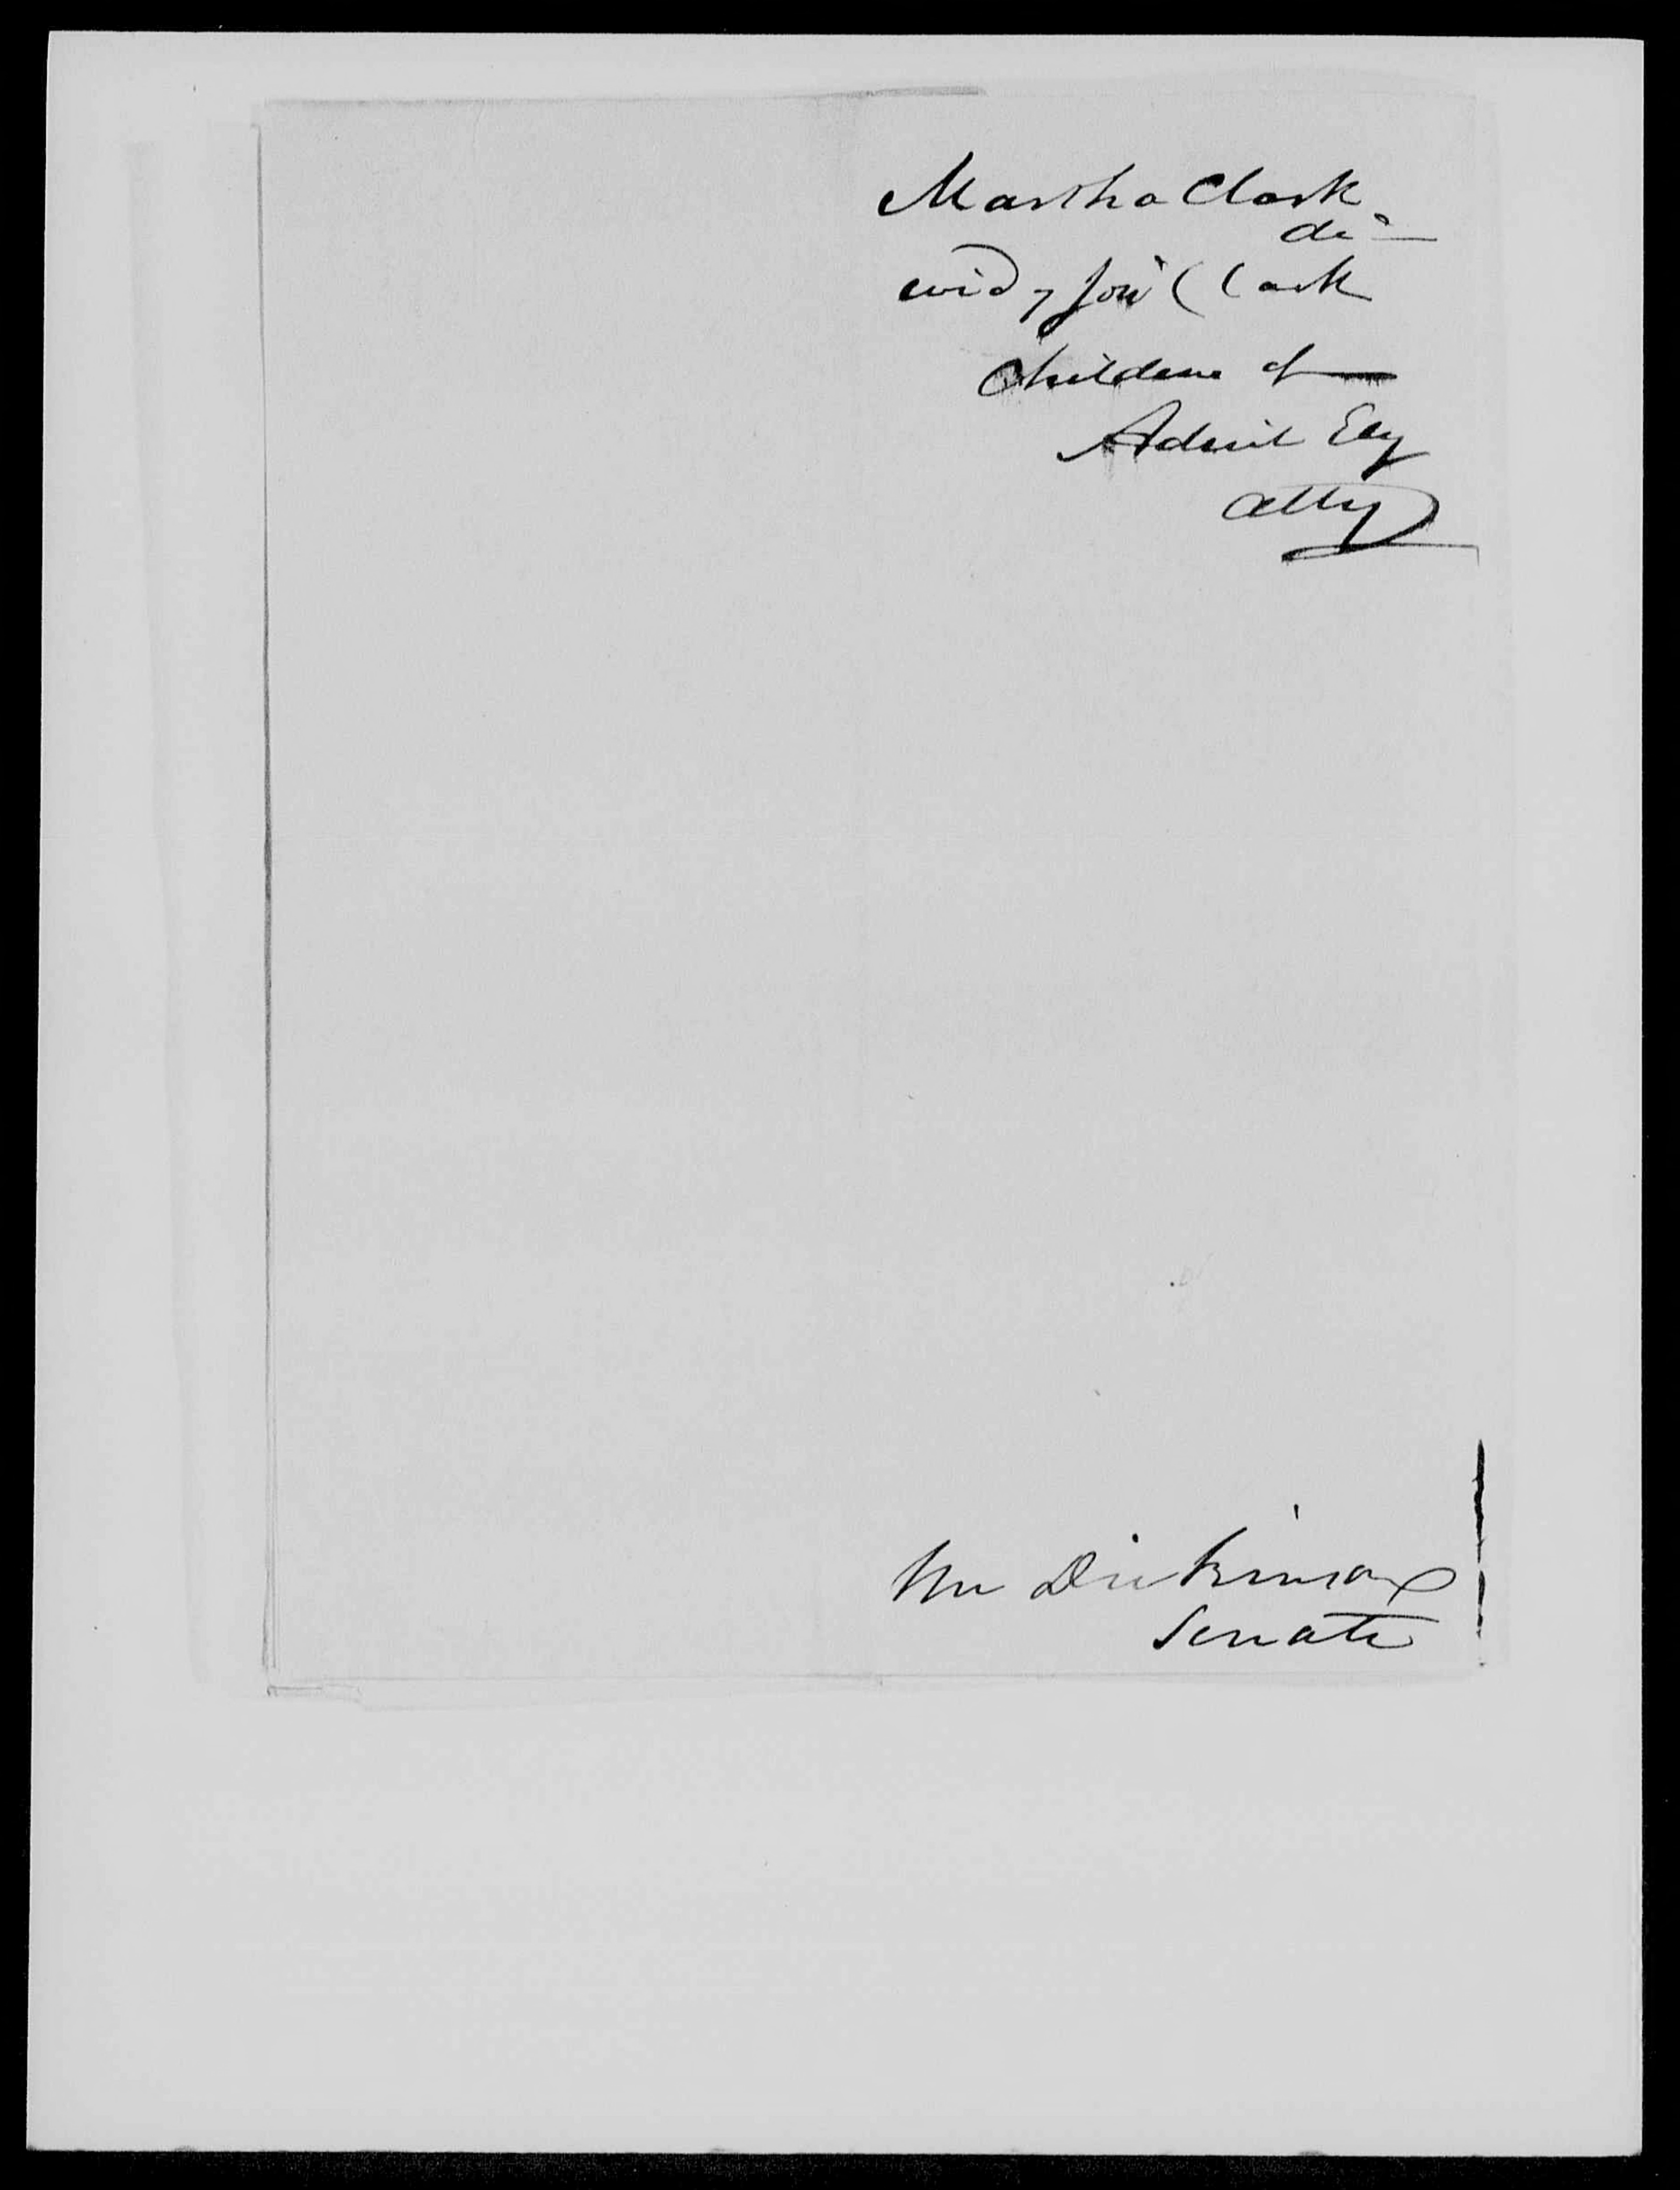Martha Clark 
ded-
Wid of Jon Clark
Children of
Adecil Ely Atty

Mr Dickinson
Senate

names: Dickinson, Martha Clark, Adecil Ely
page: 17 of 26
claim: rejected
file: R. 2001, Jonathan Clark, Conn.